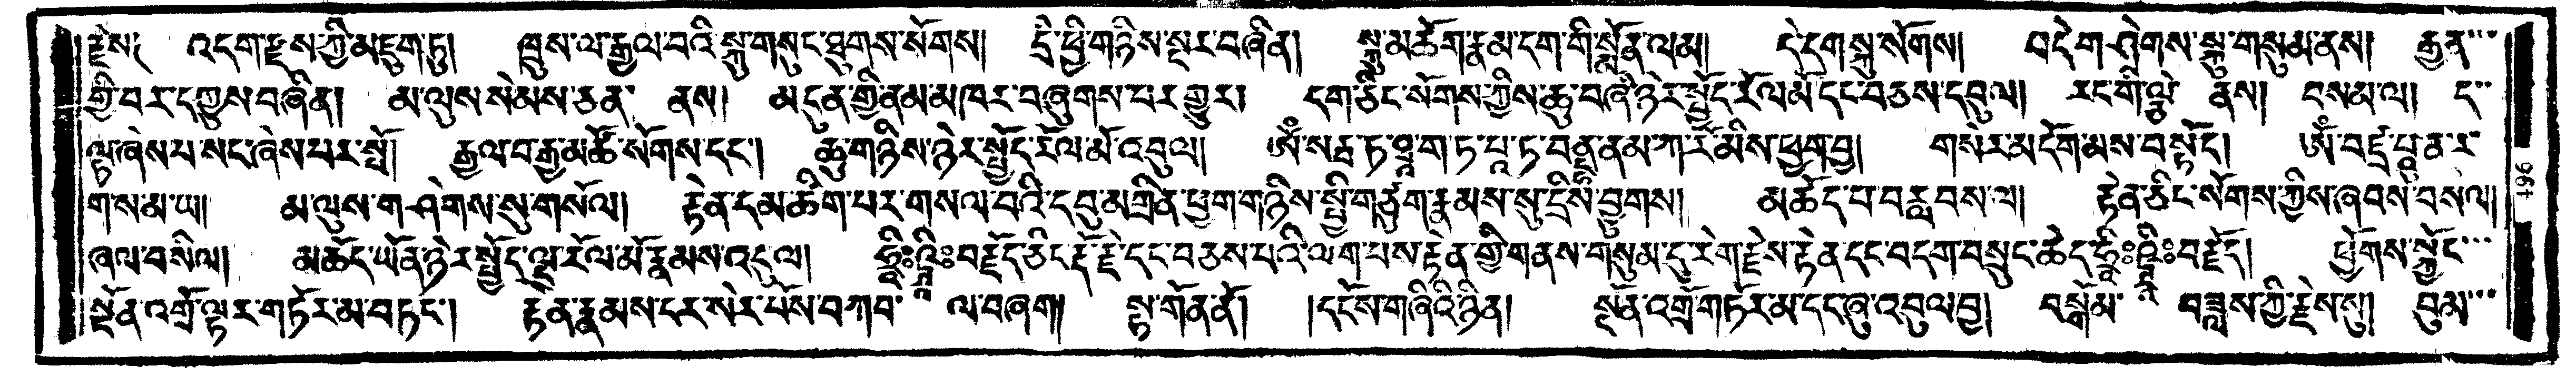རྗེས། འདས་རྫས་ཀྱི་མཇུག་ཏུ། ཁྲུས་ལ་རྒྱལ་པའི་སྐུ་གསུང་ཐུགས་སོགས། དྲི་ཕྱི་གཉིས་སྔར་བཞིན། སྐུ་མཆོག་རྣམ་དག་གི་སློན་ལམ། དེ་དག་སྐུ་སོགས། བདེ་གཤེགས་སྐུ་གསུམ་ནས། རྐྱན་
གྱི་བར་དཀྱུས་བཞིན། མ་ལུས་སེམས་ཅན་ནས། མདུན་གྱི་ནམ་མཁར་བཞུགས་པར་གྱུར། དག་ཅིང་སོགས་ཀྱིས་ཆུ་བཞི་ཉེར་སྦྱོང་རོལ་མོ་དང་བཅས་དབུལ། རང་གི་ལྕེ་ནས། བསམ་ལ། ད་
ལྟ་ཞེས་པ་སངས་ཞེས་པར་སྤོ། རྒྱལ་བ་རྒྱ་མཚོ་སོགས་དང་། ཆུ་གཉིས་ཉེར་སྤྱོད་རོལ་མོ་འབུལ། ཨོཾ་སརྦ་ཏ་ཐཱ་ག་ཏ་པཱ་ཏ་?་ནམ་ཀ་རི་མས་ཕྱག་བྱ། གསེར་མདོག་མས་བསྟོད། ཨོཾ་བཛྲ་པཱུ་ན་ར་
གསམ་ཡ། མ་ལུས་གཤེགས་སུ་གསོལ། རྟེན་དམ་ཚིག་པར་གསལ་བའི་དབུ་མ་གྲིན་ཕྱག་གཉིས་སྤྱི་གཙུག་རྣམས་སུ་དྲིས་བྱུགས། མཆོད་བ་བརླབས། རྟེན་ཅིང་སོགས་ཀྱིས་ཞབས་བསལ་
ཞལ་བསིལ། མཆོད་ཡོན་ཉེར་སྤྱོད་ལྔ་རོལ་མོ་རྣམས་འདུལ། ?་?་བརྗོད་ཅིང་རྡོ་རྗེ་དང་བཅས་ཨཱི་ལག་པས་རྟེན་གྱི་གནས་གསུམ་དུ་རེག་རྗེས་རྟེན་དང་བདག་གསུང་ཆེད་?་?H བརྗོད། ཕྱོགས་སྐྱོང་
སྔོ་འགྲོ་ལྟར་གཏོར་མ་བཏང་། རྟེན་རྣམས་མས་དར་སེར་པོས་བཀབ་ལ་བཞག། སྟ་གོན་ནོ། །དངོས་གཞིའི་ཉིན། སྔོན་འགྲོ་གཏོར་མ་དང་ཞུ་འབུལ་བྱ། བསྒོམ་བཟླས་ཀྱི་རྗེས་སུ། བུམ་